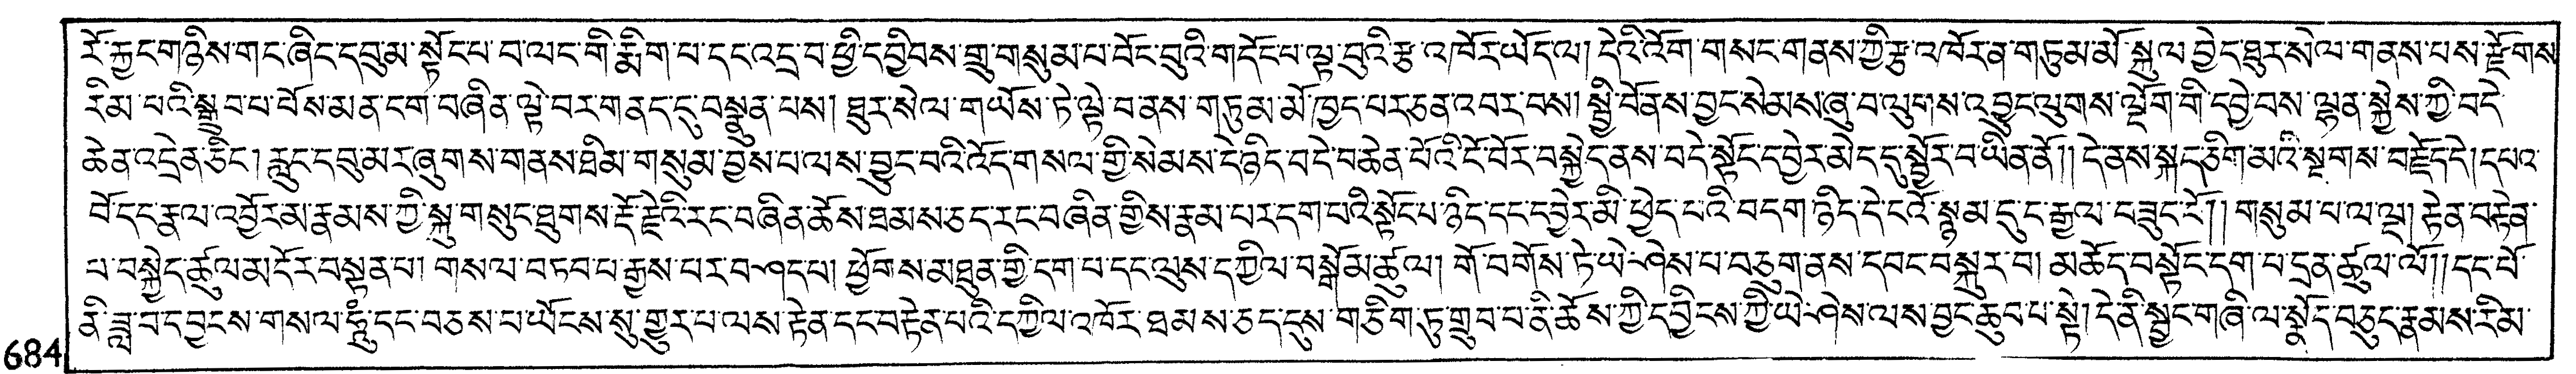རོ་རྐྱང་གཉིས་གང་ཞིང་དབུ་མ་སྟོང་པ་བ་ལང་གི་རྨིག་པ་དང་འདྲ་བ་ཕྱི་དབྱིབས་གྲུ་གསུམ་པ་བོང་བུའི་གདོང་པ་ལྟ་བུའི་རྩ་འཁོར་ཡོད་ལ། དེའི་འོག་གསང་གནས་ཀྱི་རྩ་འཁོར་ན་གཏུམ་མོ་སྐུལ་བྱེད་ཐུར་སེལ་གནས་པས་རྫོགས་
རིམ་པའི་སྒྲུབ་པ་པོས་མན་ངག་བཞིན་ལྟེ་བར་གནད་དུ་བསྣུན་པས། ཐུར་སེལ་གཡོས་ཏེ་ལྟེ་བ་ནས་གཏུམ་མོ་ཁྱད་པར་ཅན་འབར་བས། སྤྱི་བོ་ནས་བྱང་སེམས་ཞུ་བ་ལུགས་འབྱུང་ལུགས་ལྡོག་གི་དབྱེ་བས་ལྷན་སྐྱེས་ཀྱི་བདེ་
ཆེན་འདྲེན་ཅིང་། རླུང་དབུ་མར་ཞུགས་གནས་ཐིམ་གསུམ་བྱས་པ་ལས་བྱུང་བའི་འོད་གསལ་གྱི་སེམས་དེ་ཉིད་བདེ་བ་ཆེན་པོའི་ངོ་བོར་བསྐྱེད་ནས་བདེ་སྟོང་དབྱེར་མེད་དུ་སྦྱོར་བ་ཡིན་ནོ། །དེ་ནས་སྐད་ཅིག་མའི་སྔགས་བརྗོད་དེ། དཔའ་
བོ་དང་རྣལ་འབྱོར་མ་རྣམས་ཀྱི་སྐུ་གསུང་ཐུགས་རྡོ་རྗེའི་རང་བཞིན་ཆོས་ཐམས་ཅད་རང་བཞིན་གྱིས་རྣམ་པར་དག་པའི་སྟོང་པ་ཉིད་དང་དབྱེར་མི་ཕྱེད་པའི་བདག་ཉིད་དེ་ངའོ་སྙམ་དུ་ང་རྒྱལ་བཟུང་ངོ། །གསུམ་པ་ལ་ལྔ། རྟེན་བརྟེན་
པ་བསྐྱེད་ཚུལ་མདོར་བསྟན་པ། གསལ་བཏབ་པ་རྒྱས་པར་བཤད་པ། ཕྱོགས་མཐུན་གྱི་དག་པ་དང་ལུས་དཀྱིལ་བསྒོམ་ཚུལ། གོ་བགོས་ཏེ་ཡེ་ཤེས་པ་བཅུག་ནས་དབང་བསྐུར་བ། མཆོད་བསྟོང་དག་པ་དྲན་ཚུལ་ལོ། །དང་པོ་
ནི་ཟླ་བ་དབྱངས་གསལ་ཧཱུཾ་དང་བཅས་པ་ཡོངས་སུ་གྱུར་པ་ལས་རྟེན་དང་བརྟེན་པའི་དཀྱིལ་འཁོར་ཐམས་ཅད་དུས་གཅིག་ཏུ་གྲུབ་པ་ནི་ཆོས་ཀྱི་དབྱིངས་ཀྱི་ཡེ་ཤེས་ལས་བྱང་ཆུབ་པ་སྟེ། དེ་ནི་སྦྱང་གཞི་ལ་སྣོད་བཅུད་རྣམས་རིམ་